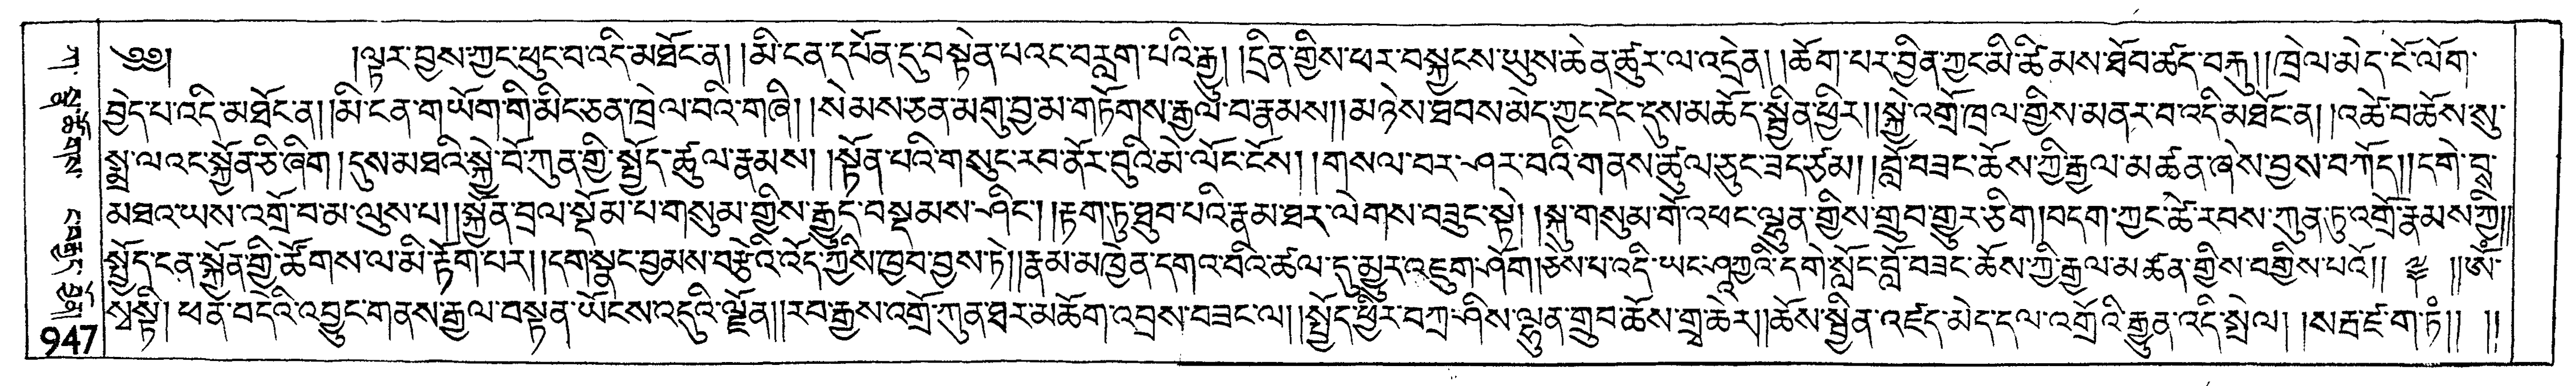༄༅། །ལྟར་བྱས་ཀྱང་ཕུང་བ་འདི་མཐོང་ན། །མི་ངན་དཔོན་དུ་བསྟེན་པའང་བརླག་པའི་རྒྱུ། །དྲིན་གྱིས་ཕར་བསྐྱངས་ཡུས་ཆེན་ཚུར་ལ་འདྲེན། །ཆོག་པར་བྱིན་ཀྱང་མི་ཚིམས་ཐོབ་ཚད་བརྐུ། །ཁྲེལ་མེད་ངོ་ལོག་
བྱེད་པ་འདི་མཐོང་ན། །མི་ངན་གཡོག་གི་མིང་ཅན་ཁྲེལ་བའི་གཞི། །སེམས་ཅན་མགུ་བྱ་མ་གཏོགས་རྒྱལ་བ་རྣམས། །མཉེས་ཐབས་མེད་ཀྱང་དེང་དུས་མཆོད་སྦྱིན་ཕྱིར། །སྐྱེ་འགྲོ་ཁྲལ་གྱིས་མནར་བ་འདི་མཐོང་ན། །འཚེ་བ་ཆོས་སུ་
སྨྲ་ལའང་སྐྱོན་ཅི་ཞིག །དུས་མཐའི་སྐྱེ་བོ་ཀུན་གྱི་སྤྱོད་ཚུལ་རྣམས། །སྟོན་པའི་གསུང་རབ་ནོར་བུའི་མེ་ལོང་ངོས། །གསལ་བར་ཤར་བའི་གནས་ཚུལ་ཅུང་ཟད་ཙམ། །བློ་བཟང་ཆོས་ཀྱི་རྒྱལ་མཚན་ཞེས་བྱས་བཀོད། །དགེ་བས་
མཐའ་ཡས་འགྲོ་བ་མ་ལུས་པ། །སྐྱོན་བྲལ་སྡོམ་པ་གསུམ་གྱིས་རྒྱུད་བསྡམས་ཤིང་། །རྟག་ཏུ་ཐུབ་པའི་རྣམ་ཐར་ལེགས་བཟུང་སྟེ། །སྐུ་གསུམ་གོ་འཕང་ལྷུན་གྱིས་གྲུབ་གྱུར་ཅིག །བདག་ཀྱང་ཚེ་རབས་ཀུན་ཏུ་འགྲོ་རྣམས་ཀྱི། །
སྤྱོད་ངན་སྐྱོན་གྱི་ཚོགས་ལ་མི་རྟོག་པར། །དག་སྣང་བྱམས་བརྩེའི་འོད་ཀྱིས་ཁྱབ་བྱས་ཏེ། །རྣམ་མཁྱེན་དགའ་བའི་ཚལ་དུ་མྱུར་འཇུག་ཤོག །ཅེས་པ་འདི་ཡང་ཤཱཀྱའི་དགེ་སློང་བློ་བཟང་ཆོས་ཀྱི་རྒྱལ་མཚན་གྱིས་བགྱིས་པའོ།། ༈ །།ཨོཾ་
སྭསྟི། ཕན་བདེའི་འབྱུང་གནས་རྒྱལ་བསྟན་ཡོངས་འདུའི་ལྗོན། །རབ་རྒྱས་འགྲོ་ཀུན་ཐར་མཆོག་འབྲས་བཟང་ལ། །སྤྱོད་ཕྱིར་བཀྲ་ཤིས་ལྷུན་གྲུབ་ཆོས་གྲྭ་ཆེར། །ཆོས་སྦྱིན་འཛད་མེད་དལ་འགྲོའི་རྒྱུན་འདི་སྤེལ། །སརྦ་ཛ་ག་ཏཾ།། །།